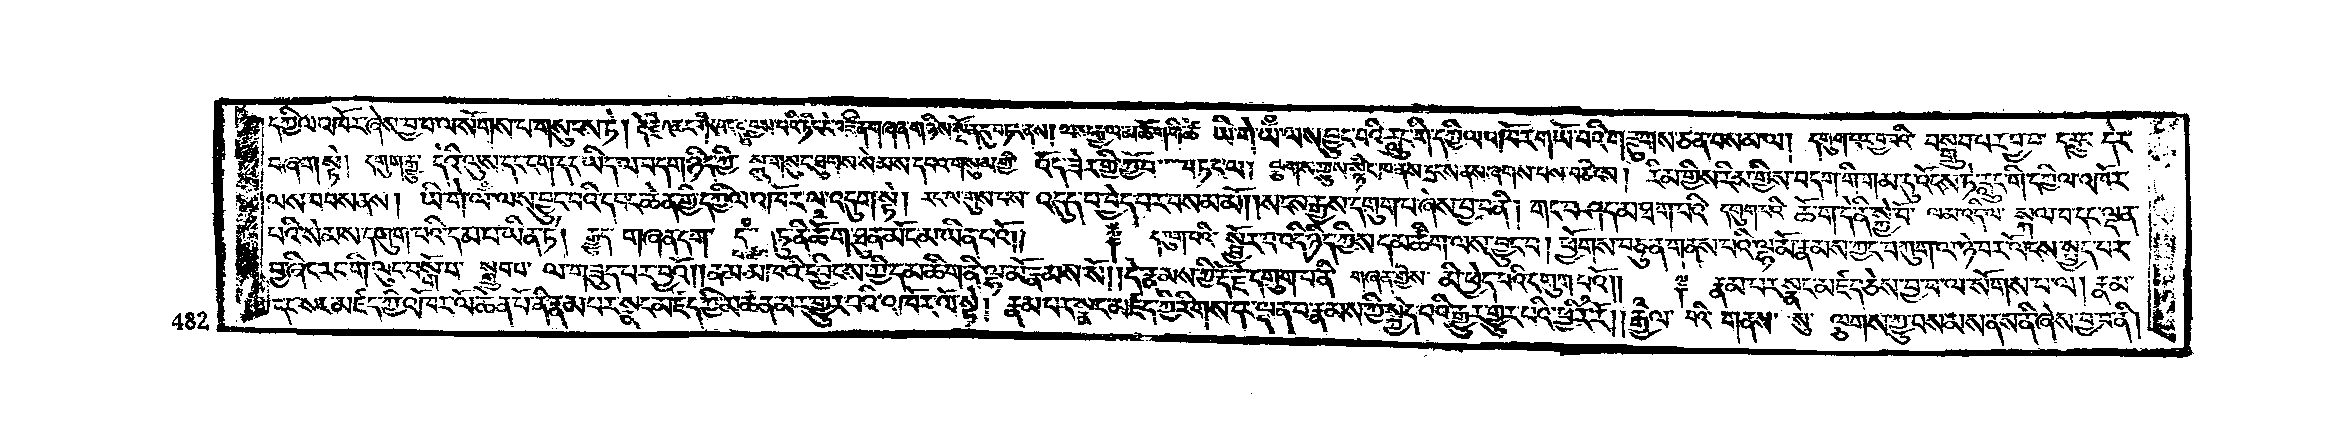དཀྱིལ་འཁོར་ཞེས་བྱ་བ་ལ་སོགས་པ་གསུངས་ཏེ། རྡོ་རྗེ་ཆང་གི་དབང་དུ་བྱས་པའི་ཏིང་ངེ་འཛིན་གཞན་གཉིས་སྔོན་དུ་བཏང་ནས། ལས་རྒྱལ་མཆོག་གི་ཚེ་ཡི་གེ་ཡཾ་ལས་བྱུང་པའི་རླུང་གི་དཀྱིལ་འཁོར་གཡོ་བའི་གཟུགས་ཅན་བསམ་ལ། དགུག་པར་བྱ་བའི་བསྒྲུབ་པར་བྱ་བ་དེ་རླུང་དེར་
བཞག་སྟེ། དགུག་རྒྱུ་དེའི་ལུས་དང་ངག་དང་ཡིད་ལ་བདག་ཉིད་ཀྱི་སྐུ་གསུང་ཐུགས་སེམས་དཔའ་གསུམ་གྱི་འོད་ཟེར་གྱི་ཀྱོ་བ་བཏབ་ལ། ལྕགས་ཀྱུས་སྙིང་ཁ་ནས་དྲངས་ནས་ཞགས་པས་བཅིངས། རིམ་གྱིས་རིམ་གྱིས་བདག་གི་གམ་དུ་འོངས་ཏེ་རླུང་གི་དཀྱིལ་འཁོར་
ལས་བབས་ནས། ཡི་གེ་ལཾ་ལས་བྱུང་བའི་དབང་ཆེན་གྱི་དཀྱིལ་འཁོར་ལ་འདུག་སྟེ། རང་ལ་གུས་པས་འདུད་པ་བྱེད་པར་བསམ་མོ། །སངས་རྒྱས་དགུག་པ་ཞེས་བྱ་བ་ནི། གང་བཤད་མ་ཐག་པའི་དགུག་པའི་ཆོ་ག་དེ་ནི་སྐྱེ་བོ་ལམ་འདི་ལ་སྐལ་བ་དང་ལྡན་
པའི་སེམས་དགུག་པའི་དམ་པ་ཡིན་ཏེ། རྒྱུད་གཞན་དག་དང ༡་ཏུ་ནི་ཆོ་ག་ཐུན་མོང་མ་ཡིན་པའོ།། ༈ དགུག་པའི་སྦྱོར་བ་འདི་ཉིད་ཀྱིས་དམ་ཚིག་ལས་བྱུང་བ། ཕྱོགས་བཅུ་ན་གནས་པའི་ལྷ་མོ་རྣམས་ཀྱང་བཀུག་ལ་ཉེ་བར་ལོངས་སྤྱད་པར་
བྱ་ཞིང་རང་གི་ལུང་བསྒོ་བ་སྒྲུབ་པ་ལ་གཟུད་པར་བྱའོ། །ནམ་མཁའི་དབྱིངས་ཀྱི་དམ་ཚིག་ནི་ལྷ་མོ་རྣམས་སོ། །དེ་རྣམས་ཀྱི་རྡོ་རྗེ་དགུག་པ་ནི་གཞན་གྱིས་མི་ཕྱེད་པའི་དགུག་པའོ།། ༈ རྣམ་པར་སྣང་མཛད་ཅེས་བྱ་བ་ལ་སོགས་པ་ལ། རྣམ་
པར་སྣང་མཛད་ཀྱི་འཁོར་ལོ་ཆེན་པོ་ནི་རྣམ་པར་སྣང་མཛད་ཀྱི་མཚན་མར་གྱུར་པའི་འཁོར་ལོ་སྟེ། རྣམ་པར་སྣང་མཛད་ཀྱི་རིགས་དང་ལྡན་པ་རྣམས་ཀྱི་སྐྱེད་པའི་རྒྱུར་གྱུར་པའི་ཕྱིར་རོ། །རྒྱལ་པའི་གནས་སུ་ལྕགས་ཀྱུ་བསམས་ནས་ནི་ཞེས་བྱ་བ་ནི།